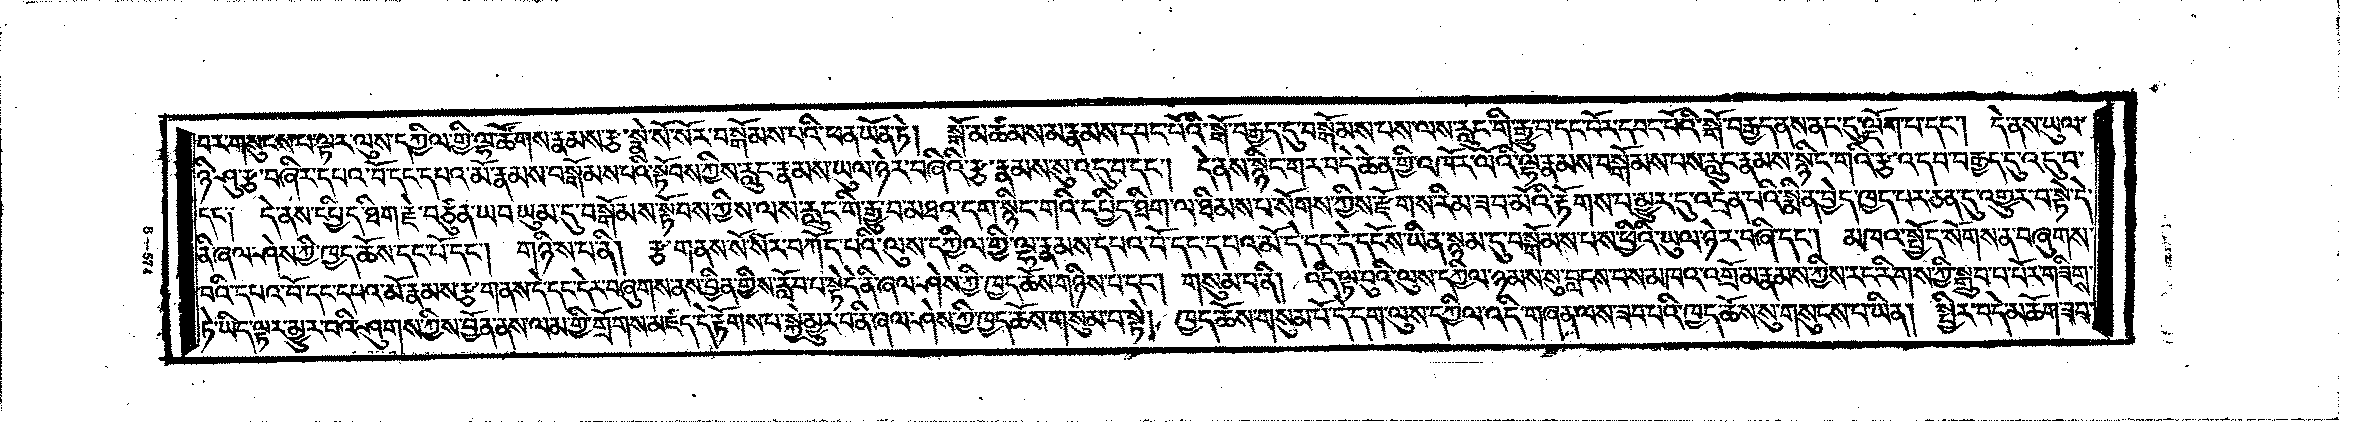བར་གསུངས་པ་ལྟར་ལུས་དཀྱིལ་གྱི་ལྷ་ཚོགས་རྣམས་རྩ་སྣེ་སོ་སོར་བསྒོམས་པའི་ཕན་ཡོན་ཏེ། སྒོ་མཚམས་མ་རྣམས་དབང་པོའི་སྒོ་བརྒྱད་དུ་བསྒོམས་པས་ལས་རླུང་གི་རྒྱུ་བ་དང་བོར་དབང་པོའི་སྒོ་བརྒྱད་ནས་ནང་དུ་ལྡོག་པ་དང་། དེ་ནས་ཡུལ་
ཉི་ཤུ་རྩ་བཞིར་དཔའ་བོ་དང་དཔའ་མོ་རྣམས་བསྒོམས་པའི་སྟོབས་ཀྱིས་རླུང་རྣམས་ཡུལ་ཉེར་བཞིའི་རྩ་རྣམས་སུ་འདུ་བ་དང་། དེ་ནས་སྙིང་གར་བདེ་ཆེན་གྱི་འཁོར་ལོའི་ལྷ་རྣམས་བསྒོམས་པས་རླུང་རྣམས་སྙིང་གའི་རྩ་འདབ་བརྒྱད་དུ་འདུ་བ་
དང༑ དེ་ནས་དཔྱིད་ཐིག་རྗེ་བཙུན་ཡབ་ཡུམ་དུ་བསྒོམས་སྟོབས་ཀྱིས་ལས་རླུང་གི་རྒྱུ་བ་མཐའ་དག་སྙིང་གའི་དཔྱིད་ཐིག་ལ་ཐིམས་པ་སོགས་ཀྱིས་རྫོགས་རིམ་ཟབ་མོའི་རྟོགས་པ་མྱུར་དུ་འདྲེན་པའི་སྨིན་བྱེད་ཁྱད་པར་ཅན་དུ་འགྱུར་བ་སྟེ་དེ་
ནི་ཞལ་ཤེས་ཀྱི་ཁྱད་ཆོས་དང་པོ་དང་། གཉིས་པ་ནི། རྩ་གནས་སོ་སོར་བཀོད་པའི་ལུས་དཀྱིལ་གྱི་ལྷ་རྣམས་དཔའ་བོ་དང་དཔའ་མོ་དེ་དང་དེ་དངོས་ཡིན་སྙམ་དུ་བསྒོམས་པས་ཕྱིའི་ཡུལ་ཉེར་བཞི་དང་། མཁའ་སྤྱོད་སོགས་ན་བཞུགས་
བའི་དཔའ་བོ་དང་དཔའ་མོ་རྣམས་རྩ་གནས་དེ་དང་དེར་བཞུགས་ནས་བྱིན་གྱིས་རློབ་པ་སྟེ་དེ་ནི་ཞལ་ཤེས་ཀྱི་ཁྱད་ཆོས་གཉིས་པ་དང་། གསུམ་པ་ནི། འདི་ལྟ་བུའི་ལུས་དཀྱིལ་ཉམས་སུ་བླངས་བས་མཁའ་འགྲོ་མ་རྣམས་ཀྱིས་རང་རིགས་ཀྱི་སྒྲུབ་པ་པོར་གཟིགས་ཏེ་ཡིད་ལྟར་མྱུར་བའི་ཤུགས་ཀྱིས་བྱོན་ནས་ལམ་གྱི་གྲོགས་མཛད་དེ་རྟོགས་པ་སྐྱེ་མྱུར་བ་ནི་ཞལ་ཤེས་ཀྱི་ཁྱད་ཆོས་གསུམ་པ་སྟེ། ཁྱད་ཆོས་གསུམ་པོ་དེ་དག་ལུས་དཀྱིལ་འདི་གཞན་ལས་ཟབ་པའི་ཁྱད་ཆོས་སུ་གསུངས་པ་ཡིན། སྤྱིར་བདེ་མཆོག་ཟབ་